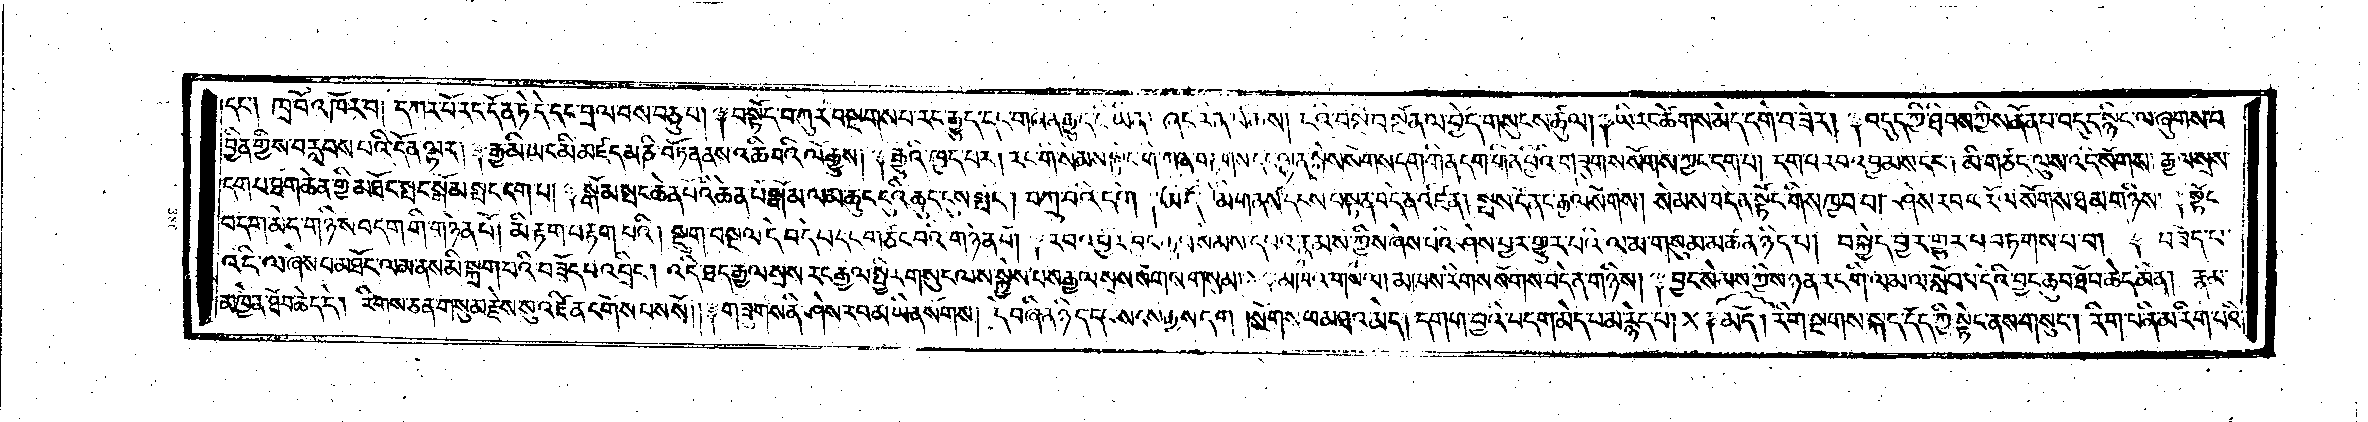དང་། ཁྲ་བོ་འཁོར་བ། དཀར་པོ་རང་དོན་ཏེ་དེ་དང་བྲལ་བས་བཅུ་པ། ༈ བསྟོད་བཀུར་བསྔགས་པ་རང་རྒྱུད་དང་གཞན་རྒྱུད་ཇི་ཡིན། ཞིང་རིན་པོ་ཆེས། དེའི་བསྔོ་བ་སྔོན་ལ་བྱེད་གསུངས་ཚུལ། ༈ ཡི་རང་ཚེགས་མེད་དགེ་བ་ཟེར། ༈ བདུད་ཀྱི་ཐིབས་ཀྱིས་ནོན་པ་བདུད་སྙིང་ལ་ཞུགས་པ་
བྱིན་གྱིས་བརླབས་པའི་དོན་ལྟར༑ ༈ རྒྱ་མི་ཡང་མི་མཛད་མ་ཎི་བཏོན་ནས་འཆི་བའི་ལོ་རྒྱུས། ༈ རྒྱུའི་ཁྱད་པར། རང་གི་སེམས་སྟེང་གི་ཀུན་བརྟགས་དང་ལྷན་སྐྱེས་སོགས་དག་གིན་དག་གིན་ཕྱིའི་གཟུགས་སོགས་ཀྱང་དག་པ། དག་པ་རབ་འབྱམས་དང་། མི་གཙང་ལུས་འདི་སོགས། རྒྱལ་སྲས་
དག་པ་ཐག་ཆེན་གྱི་མཐོང་སྤང་སྒོམ་སྤང་དག་པ། ༈ སྒོམ་སྤང་ཆེན་པོའི་ཆེན་པོ་སྒོམ་ལམ་ཆུང་ངུའི་ཆུང་དུས་སྤོང་། བཀྲ་བའི་དགེ ༈ མདོ། མི་གནས་དང་ས་བསྟན་བདེན་འཛིན། སྤས་དོན་ང་རྒྱལ་སོགས། སེམས་བདེན་སྟོང་གིས་ཁྱབ་བ། ཤེས་རབ་རོལ་སོགས་ཐམ་གཉིས་༈ སྟོང་
བདག་མེད་གཉིས་བདག་གི་གཉེན་པོ། མི་རྟག་བརྟག་པའི། སྡུག་བསྔལ་དེ་བདེ་བ་དང་གཙང་བའི་གཉེན་གོ ༈ རབ་འབྱོར་བྱང་ཆུབ་སེམས་དཔའ་རྣམས་ཀྱིས་ཞེས་པའི་ཤེས་བྱར་གྱུར་པའི་ལམ་གསུམ་མཚན་ཉིད་པ། བསྐྱེད་བྱར་གྱུར་པ་བཏགས་པ་བ། ༈ བཟེད་པ་
འདི་ལ་ཞེས་པ་མཐོང་ལམ་ནས་མི་སྐྲག་པའི་བཟོད་པ་འབྲོང་། འདི་ཐད་རྒྱལ་སྲས་རང་རྒྱལ་སྤྱིར་གསུང་ལས་སྐྱེས་པས་རྒྱལ་སྲས་སོགས་གསུམ། ྾་༈ མཁའ་གསལ། མཁས་རིགས་སོགས་བདེན་གཉིས། ༈ བྱང་སེམས་ཀྱིས་ཉན་རང་གི་ལམ་ལ་སློབ་བདེའི་བྱང་ཆུབ་ཐོབ་ཆེད་མིན། རྣམ་
མཁྱེན་ཐོབ་ཆེད་དེ། རིགས་ཅན་གསུམ་རྗེས་སུ་འཛིན་དགོས་པས་སོ།། ༈ གཟུགས་ནི་ཤེས་རབ་མ་ཡིན་སོགས། དེ་བཞིན་ཉིད་དང་སངས་རྒྱས་དག །སོགས་ཕ་མཐའ་མེད། དགག་བྱའི་བདག་མེད་པ་མ་རྙེད་པ། ྾་༈ མདོ། རིག་སྔགས་སྐད་དོད་ཀྱི་སྟེང་ནས་གསུང་། རིག་པ་ནི་མ་རིག་པའི་